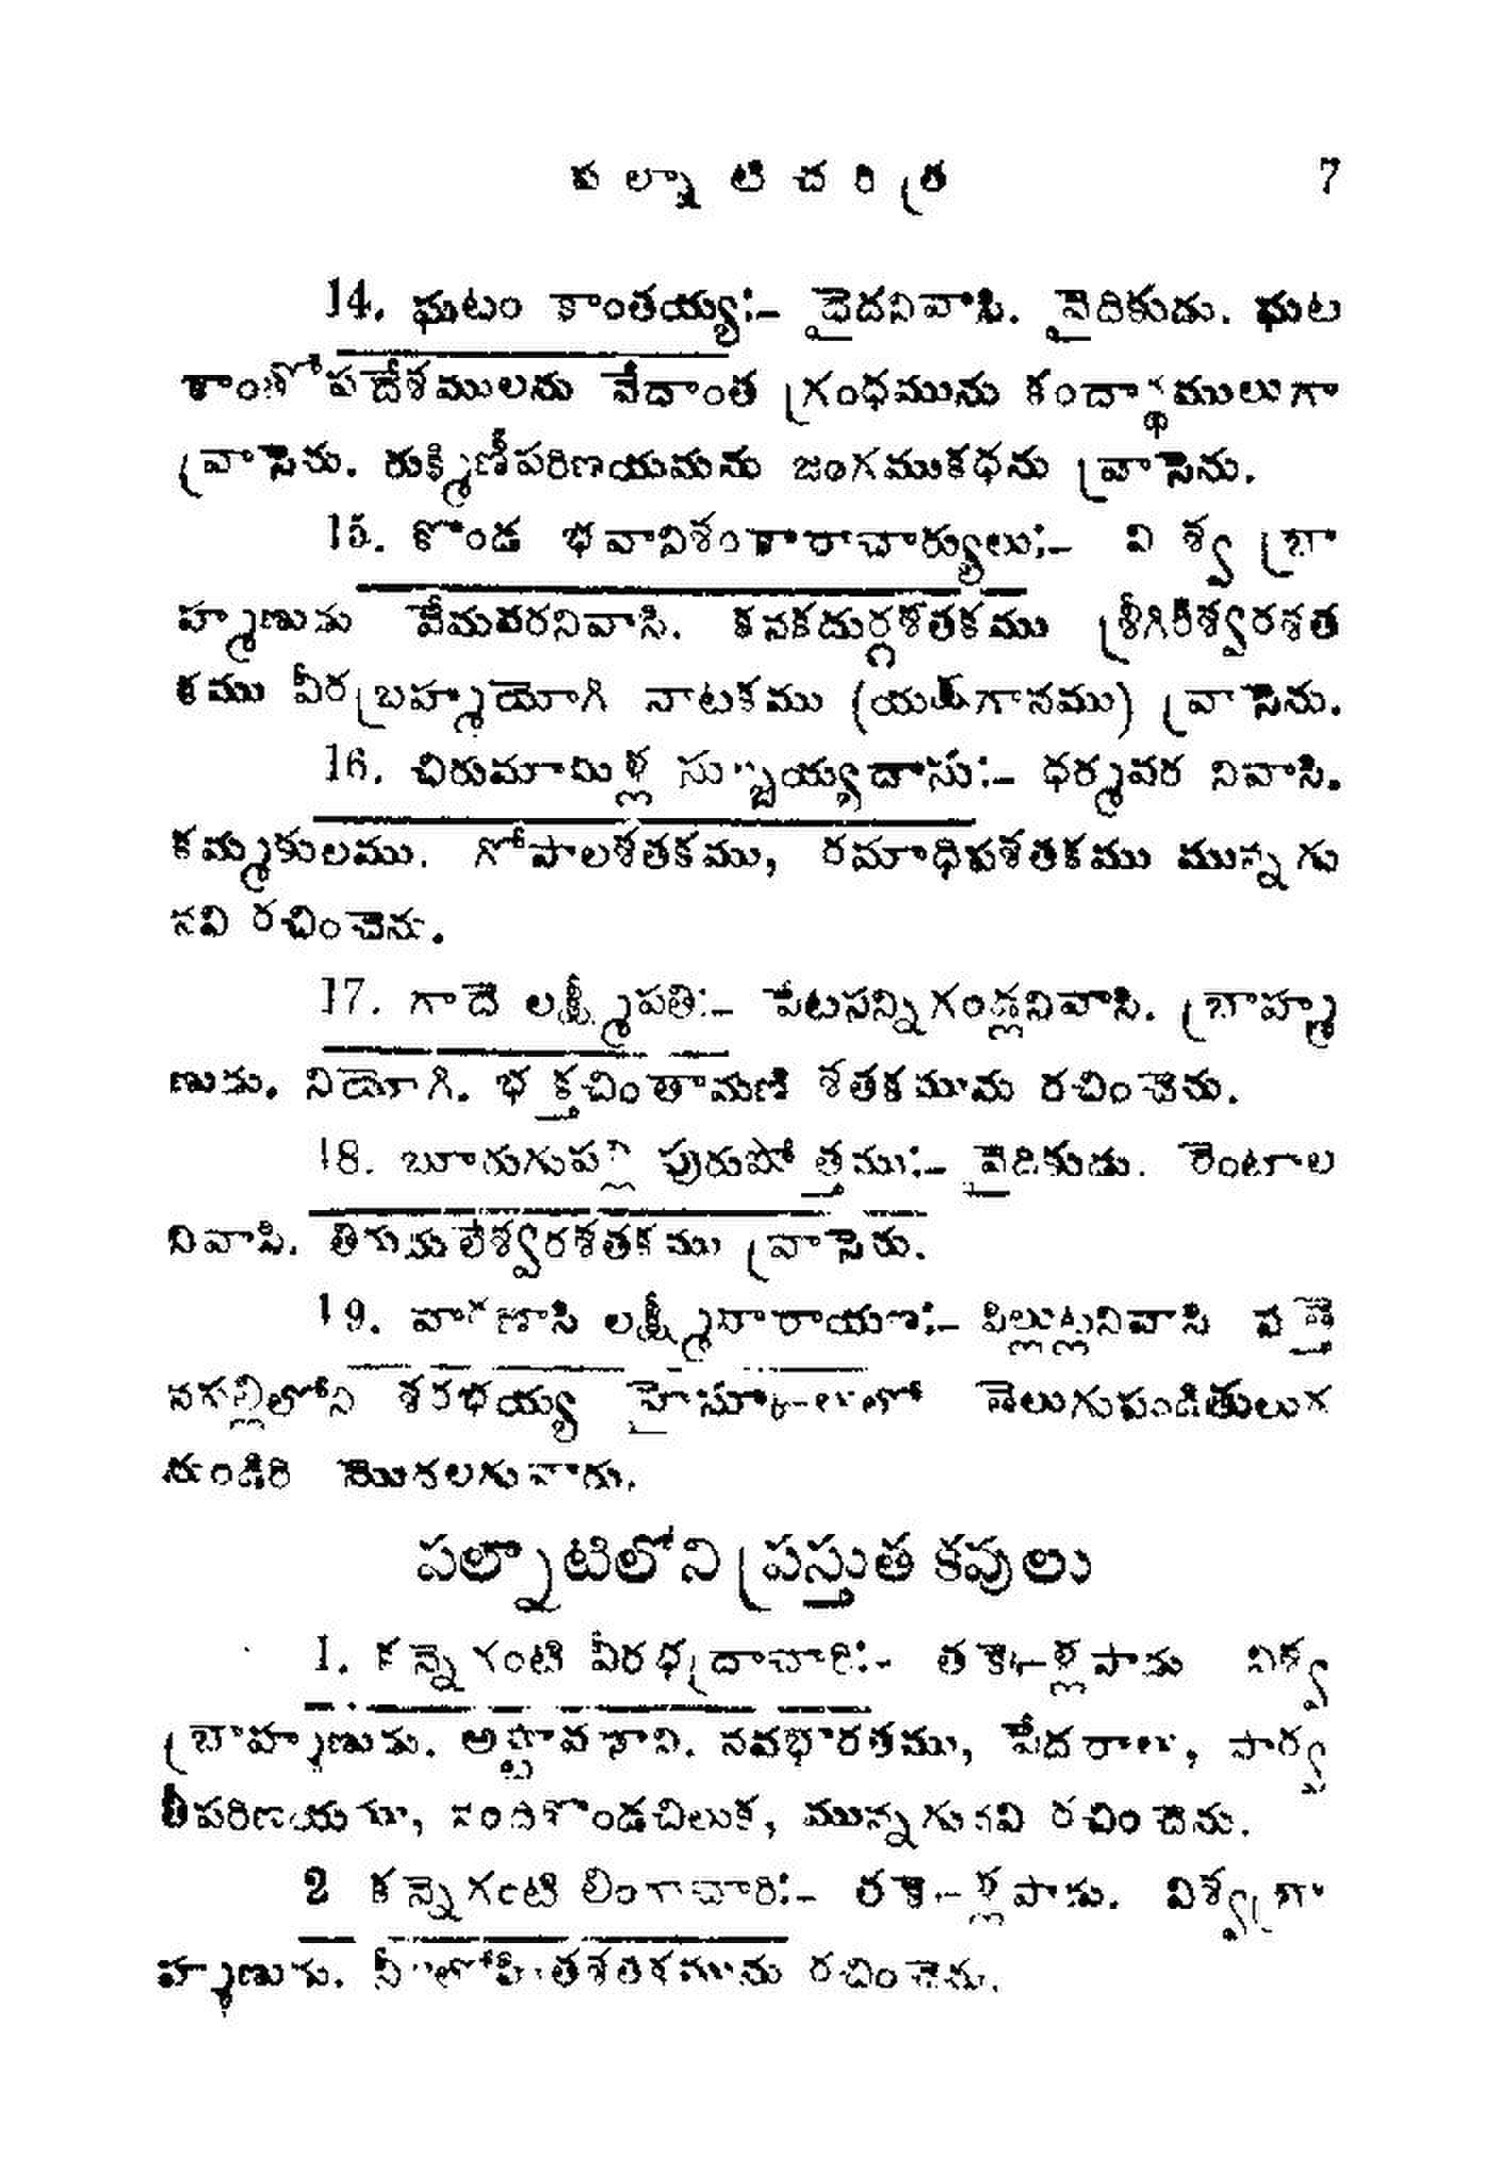14. ఘటం కాంతయ్య:- దైదనివాసి. వైదికుడు. 
ఘటకాంతోపదేశములను వేదాంత గ్రంధమును కందార్థములుగా
వ్రాసెను. రుక్మిణీపరిణయమను జంగముకధను వ్రాసెను.

15. కొండ భవానిశంకరాచార్యులు:- విశ్వబ్రాహ్మణుడు 
వేమవరనివాసి. కనకదుర్గశతకము శ్రీగిరీశ్వరశతకము 
వీరబ్రహ్మయోగి నాటకము (యక్షగానము) వ్రాసెను.

16. చిరుమామిళ్ల సుబ్బయ్యదాసు:- ధర్మవర నివాసి.
కమ్మకులము, గోపాలశతకము, రమాధిపశతకము మున్నగునవి 
రచించెను.

17. గాదె లక్ష్మీపతి:- పేటసన్నిగండ్లనివాసి. బ్రాహ్మణుడు, 
నియోగి, భక్తచింతామణి శతకమును రచించెను.

18. బూరుగుపల్లి పురుషోత్తము:- వైదికుడు. రెంటాల
నివాసి. తిరుమలేశ్వరశతకము వ్రాసెను.

19. వారణాసి లక్ష్మీనారాయణ:- పిల్లుట్ల నివాసి 
సత్తెనపల్లిలోని శరభయ్య హైస్కూలులో తెలుగు పండితులుగ
నుండిరి 
మొదలగువారు.

1. కన్నెగంటి వీరభద్రాచారి:- తక్కెళ్లపాడు విశ్వబ్రాహ్మణుడు. 
అష్టావధాని నవభారతము, పేదరాలు, పార్వతీపరిణయము, 
నందికొండచిలుక, మున్నగునవి రచించెను.

2 కన్నెగంటి లింగాచారి:- తక్కెళ్లపాడు విశ్వబ్రాహ్మణుడు , 
నీలలోహితశతకమును రచించెను.